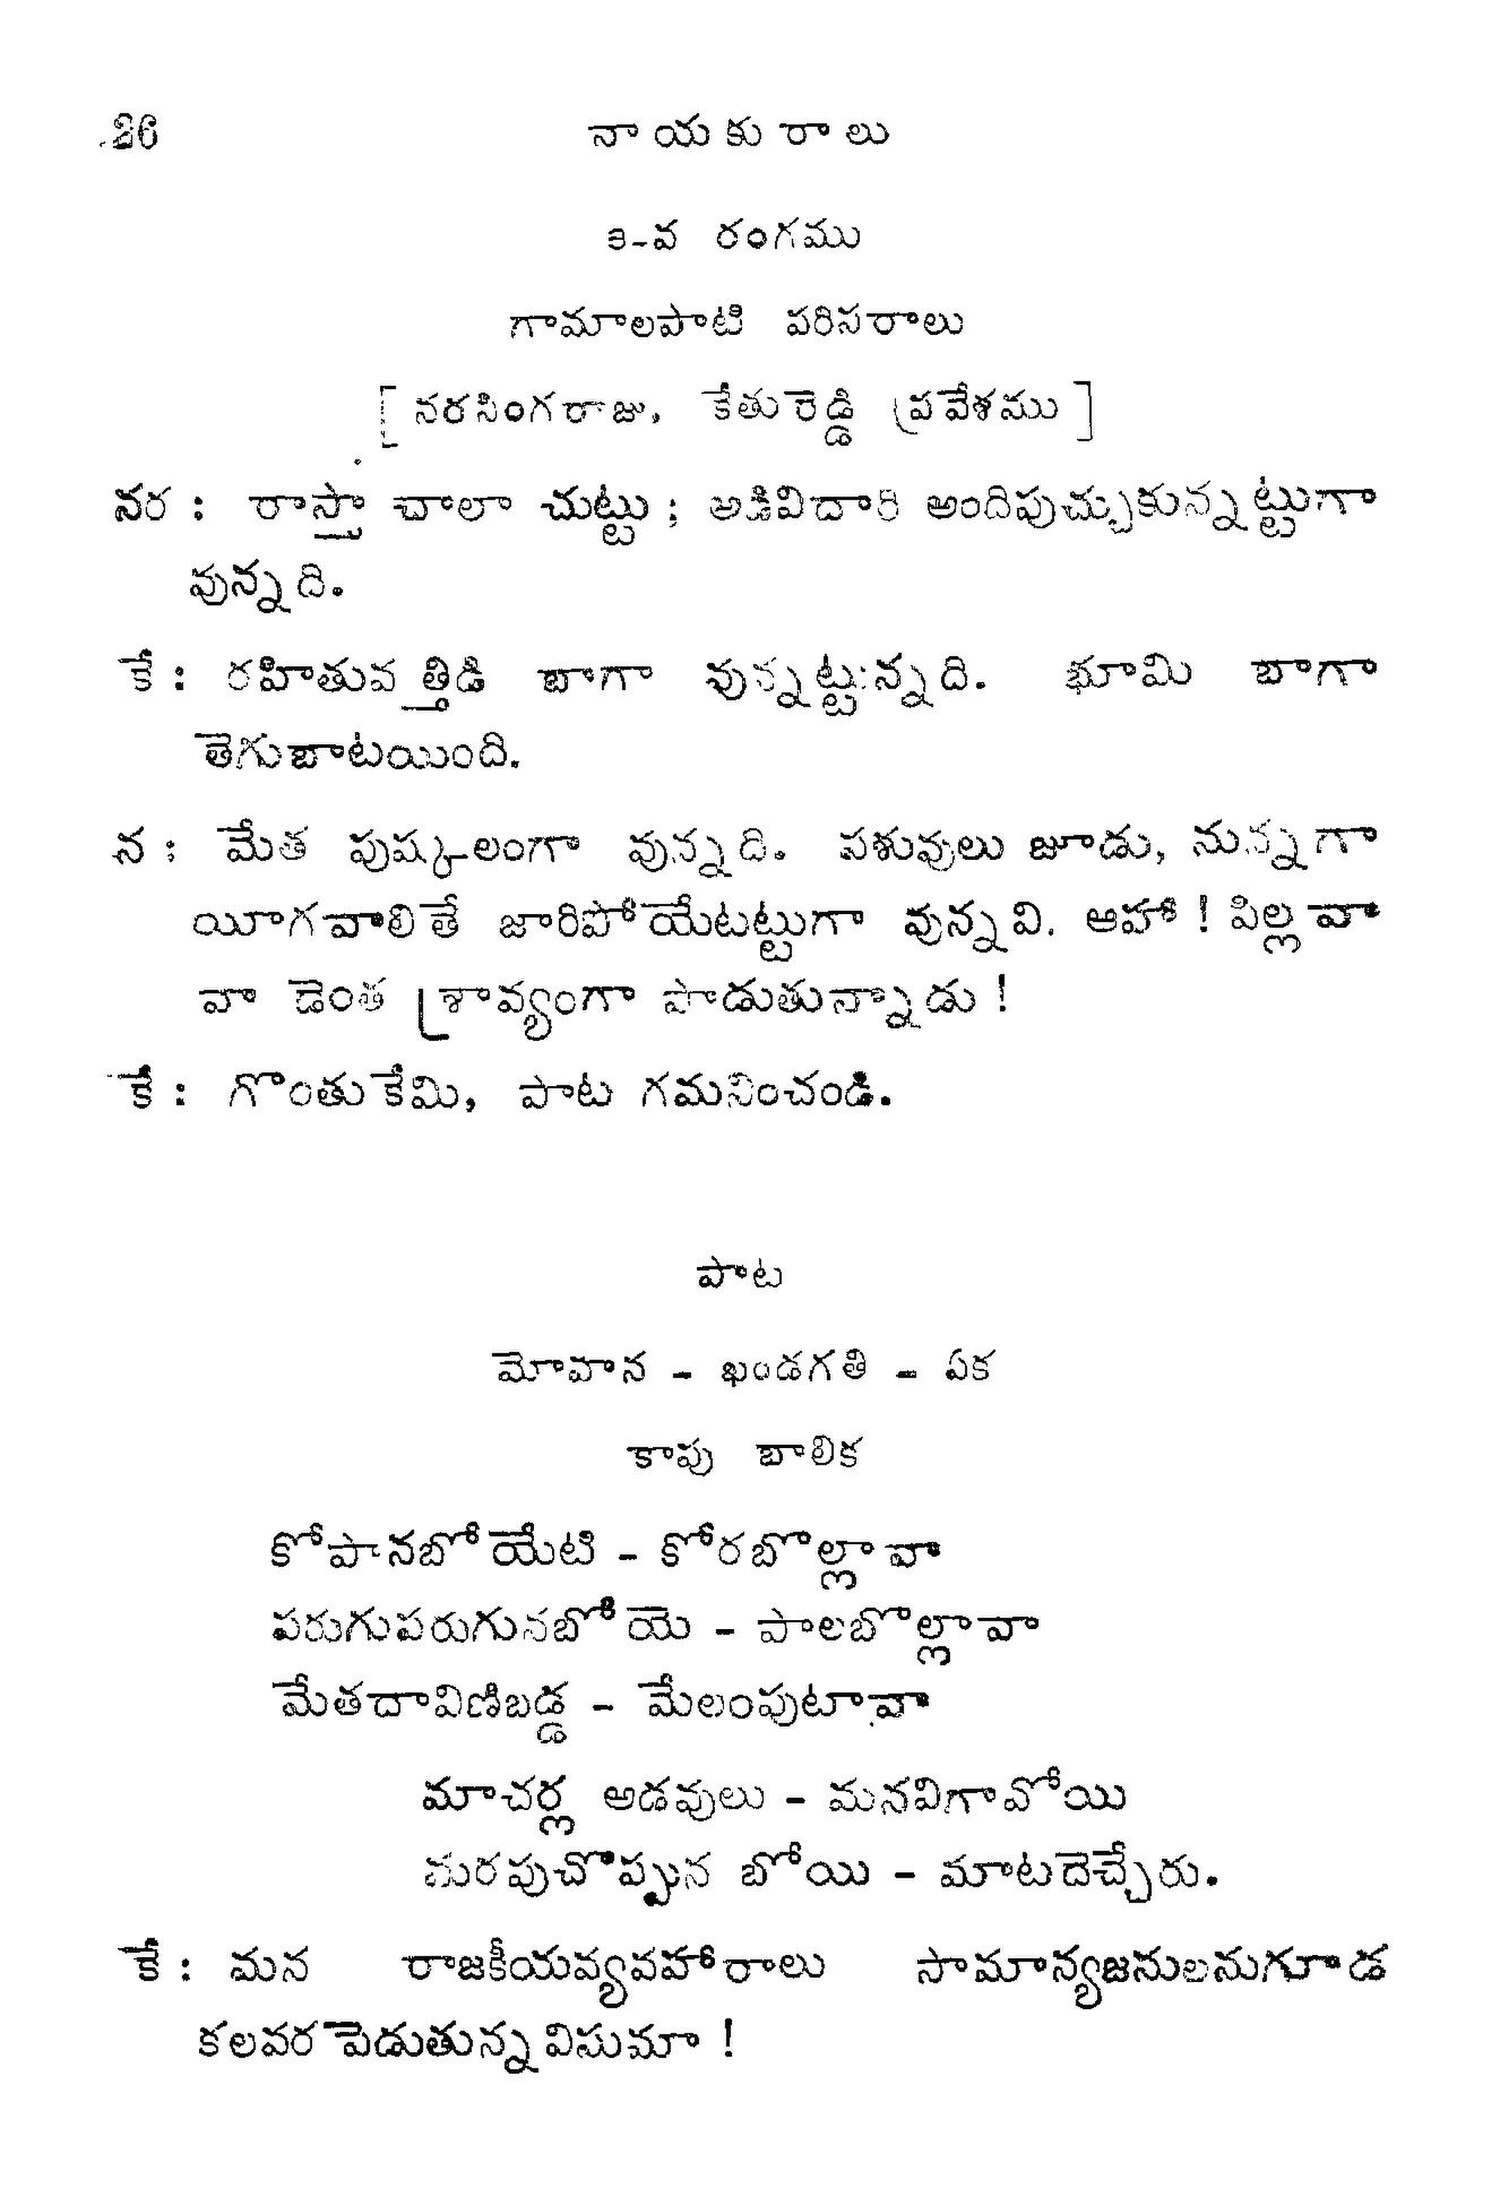నర : రాస్తా చాలా చుట్టు ; అడివిదారి అందిపుచ్చుకున్నట్టుగా వున్నది.

కే : రహితువత్తిడి బాగా వున్నట్టున్నది. భూమి బాగా తెగుబాటయింది.

న: మేత పుష్కలంగా వున్నది. పశువులు జూడు, నున్నగా యీగవాలితే జారిపోయేటట్టుగా వున్నవి. ఆహా ! పిల్లవా వాడెంత శ్రావ్యంగా పాడుతున్నాడు !

కే: గొంతుకేమి, పాట గమనించండి.

కోపానబోయేటి - కోరబొల్లావా
పరుగుపరుగునబోయె - పాలబొల్లావా
మేతదావిణిబడ్డ - మేలంపుటావా
 మాచర్ల అడవులు - మనవిగావోయి
 మరపుచొప్పున బోయి - మాటదెచ్చేరు.
కే: మన రాజకీయవ్యవహారాలు సామాన్యజనులనుగూడ కలవరపెడుతున్నవిసుమా !